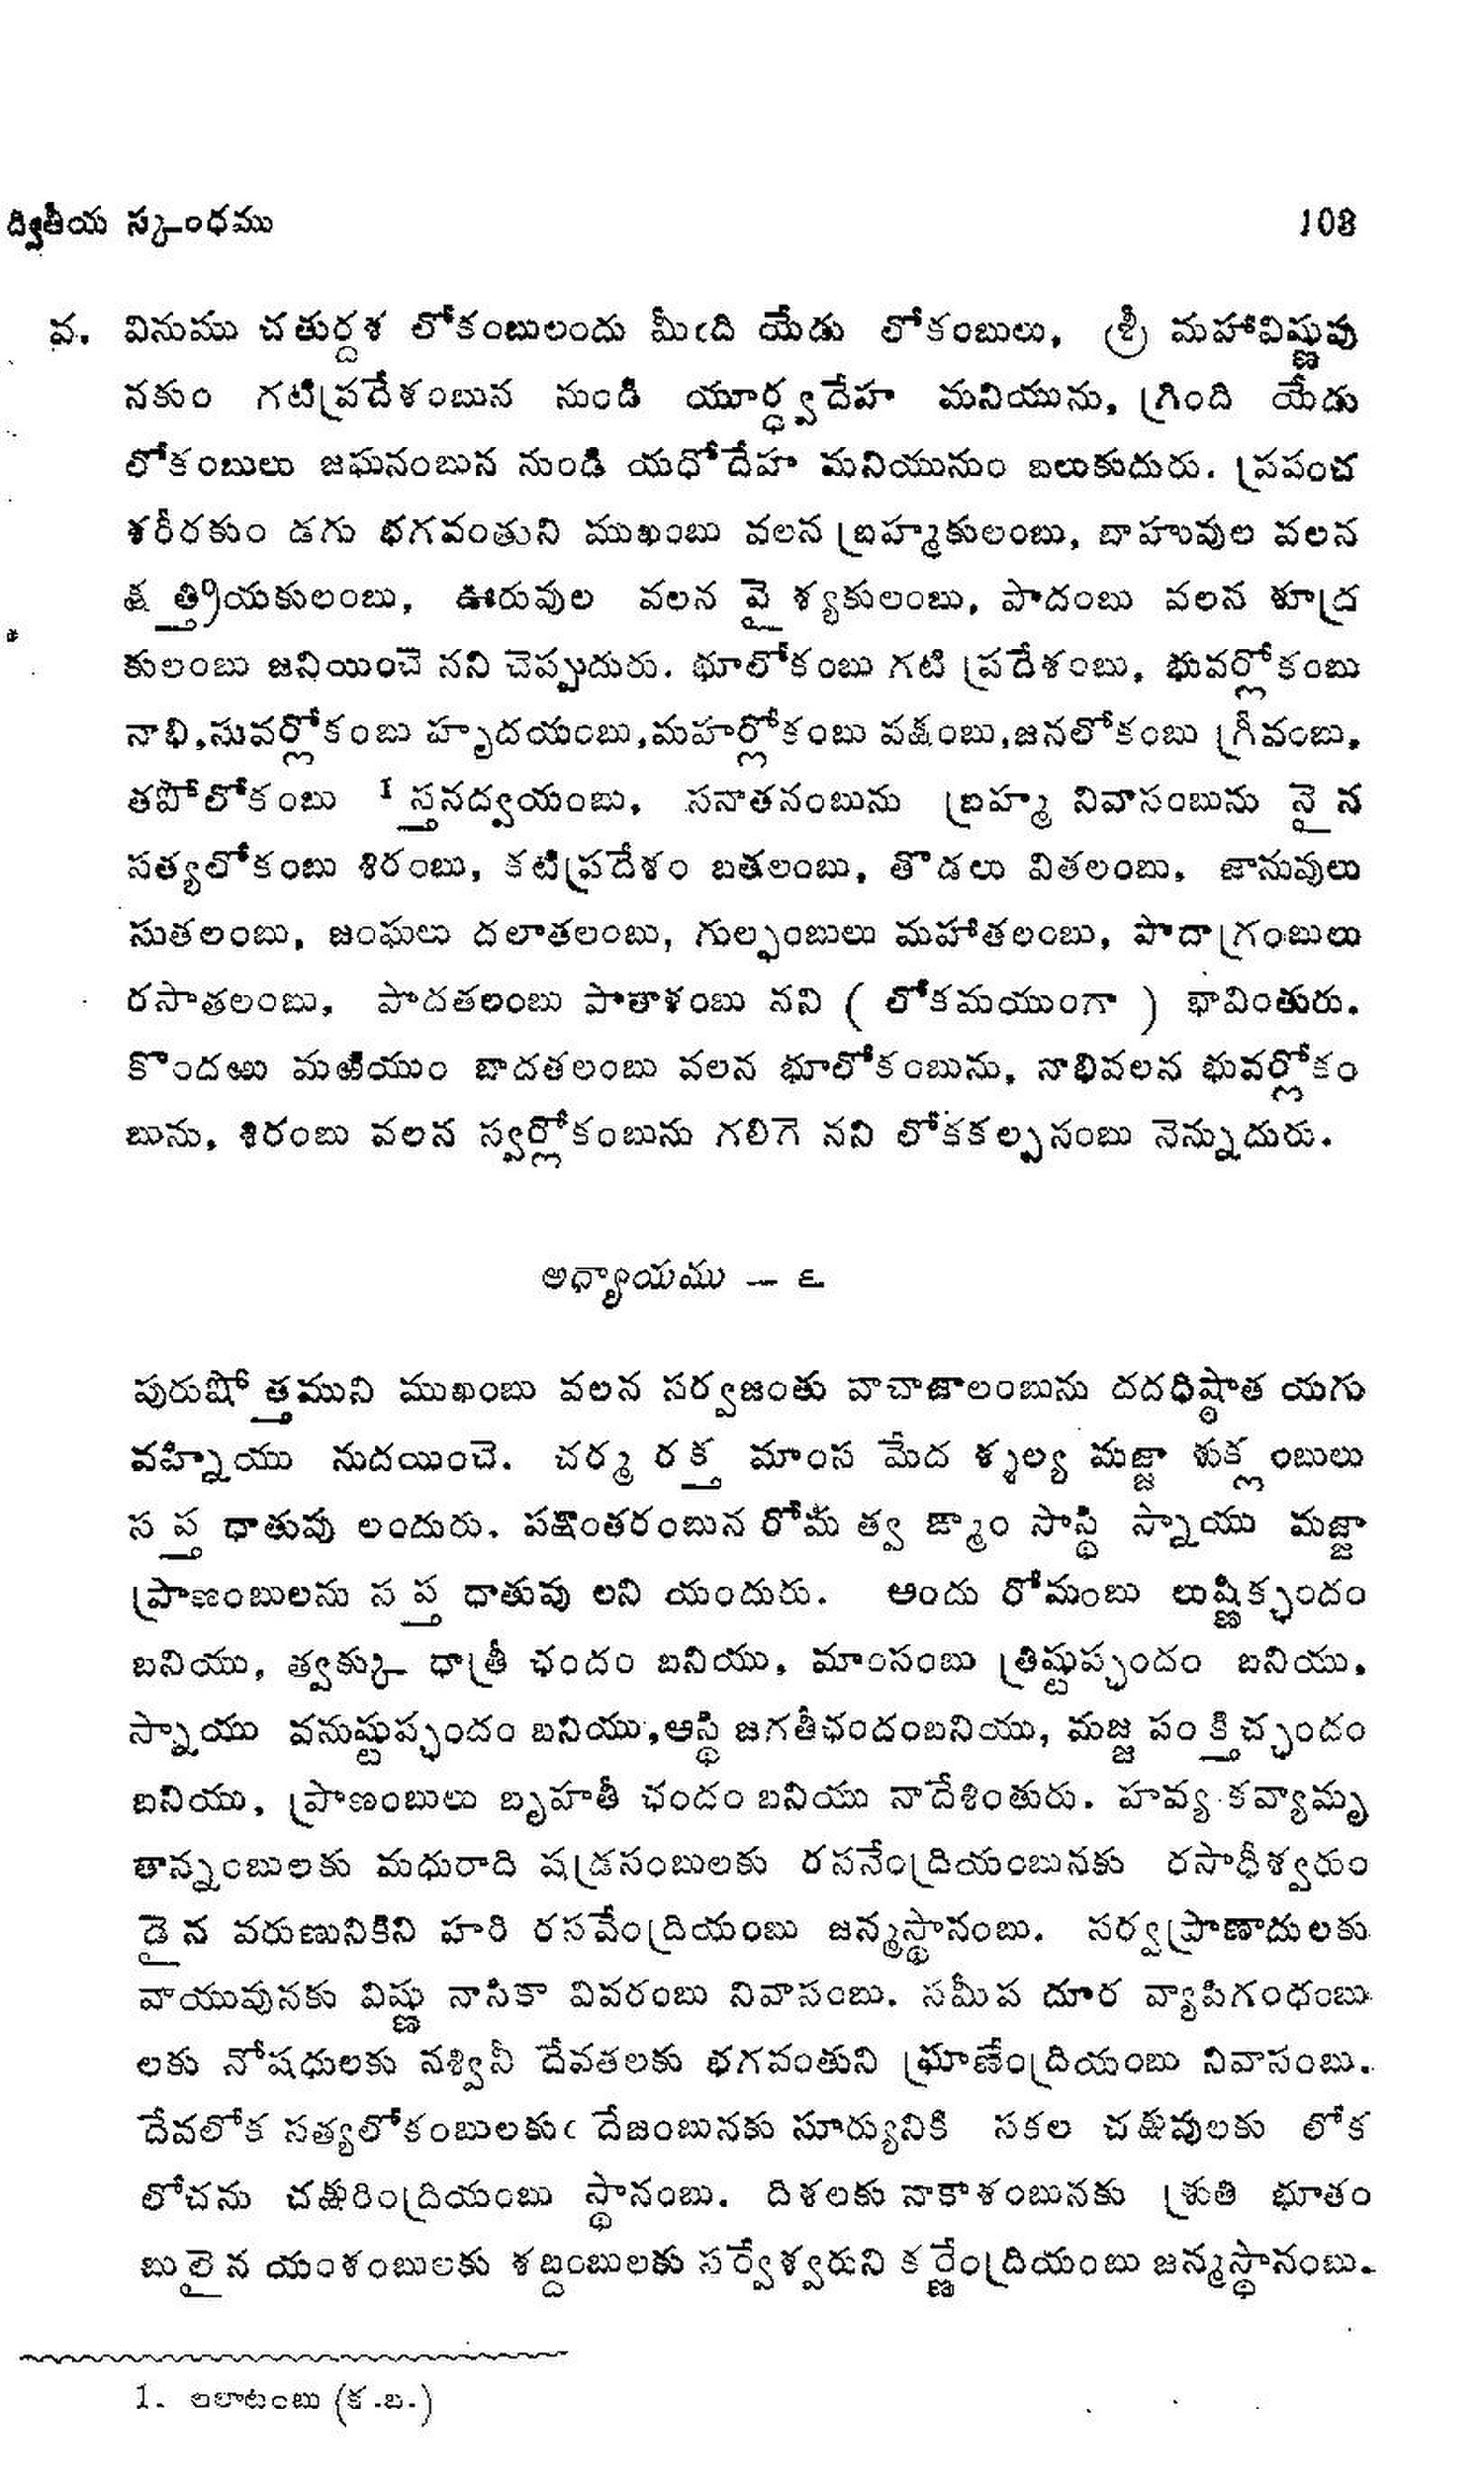103

వ. వినుము చతుర్ధశ లోకంబులందు మీఁది యేడు లోకంబులు, శ్రీ మహావిష్ణువు నకుం గటిప్రదేశంబున నుండి యూర్ధ్వదేహ మనియును, గ్రింది యేడు లోకంబులు జఘనంబున నుండి యధోదేహ మనియునుం బలుకుదురు. ప్రపంచ శరీరకుండగు భగవంతుని ముఖంబు వలన బహ్మకులంబు, బాహువుల వలన క్షతృయ కులంబు, ఊరువుల వలన వైశ్యకులంబు, పాదంబు వలన శూద్ర కులంబు జనియించె నని చెప్పుదురు. భూలోకంబు గటి ప్రదేశంబు, భువర్లోకంబు నాభి, సువర్లోకంబు హృదయంబు, మహర్లోకంబు వక్షంబు, జనలోకంబు గ్రీవంబు, తపోలోకంబు శిరంబు, కటిప్రదేశం బతలంబు, తొడలు వితలంబు, జానువులు సుతలంబు, జంఘలు దలాతలంబు, గుల్ఫంబులు మహాతలంబు, పాదాగ్రంబులు రసాతలంబు, పాదాతలంబు పాతాళంబు నని (లోకమయుంగా ) భావింతురు. కొందఱు మఱియుం బాదతలంబు వలన భూలోకంబును, నాభి వలన భువర్లోకంబును, మఱియుం బాదతలంబు వలన భూలోకంబును, నాభివలన భువర్లోకంబును, శిరంబు వలన స్వర్లోకంబును గలిగె నని లోక కల్పనంబు నెన్నుదురు.

పురుషోత్తముని ముఖంబు వలన సర్వజంతు వాచాజాలంబును దదధిష్టాత యగువహ్నియు నుదయించె. చర్మ రక్త మాంస మేదశ్శల్య మజ్జా శుక్లంబులు సప్తధాతువు లందురు. పక్షాంతరంబున రోమ త్వ జ్మాం సాస్థి స్నాయు మజ్జా ప్రాణంబులను సప్తధాతువు లని యందురు. అందు రోమంబు లుష్ణిక్ఛందం బనియు, త్వక్కు ధాత్రీ ఛందం బనియు, మాంసంబు త్రిష్టుప్చందం బనియు, స్నాయు వనుష్టుప్చందం బనియు, ఆస్థి జగతీఛందంబనియు, మజ్జ పంక్తిచ్చందంబనియు, ప్రాణంబులు బృహతీ చందం బనియు నాదేశింతురు. హవ్య కవ్యామృతాన్నంబులకు మధురాది షడ్రసంబులకు రసనేంద్రియంబునకు రసాధీశ్వరుండైన వరుణునికిని హరి రసనేంద్రియంబు జన్మస్థానంబు. సర్వ ప్రాణాదులకు వాయువునకు విష్ణు నాసికా వివరంబు నివాసంబు, సమీప దూర వ్యాపిగంధంబులకు నోషధులకు నశ్వనీదేవతలకు భగవంతుని ఘ్రానేంద్రియంబు నివాసంబు, దేవలోక సత్య లోకంబులకుఁ దేజంబునకు సూర్యునికి సకలచక్షువులకు లోక లోచను చక్షురింద్రియంబు స్థానంబు, దిశలకు నాకాశంబునకు శ్రుతి భూతంబులైన యంశంబులకు శబ్దంబులకు సర్వేశ్వరుని కర్ణేంద్రియంబు జన్మ స్థానంబు,